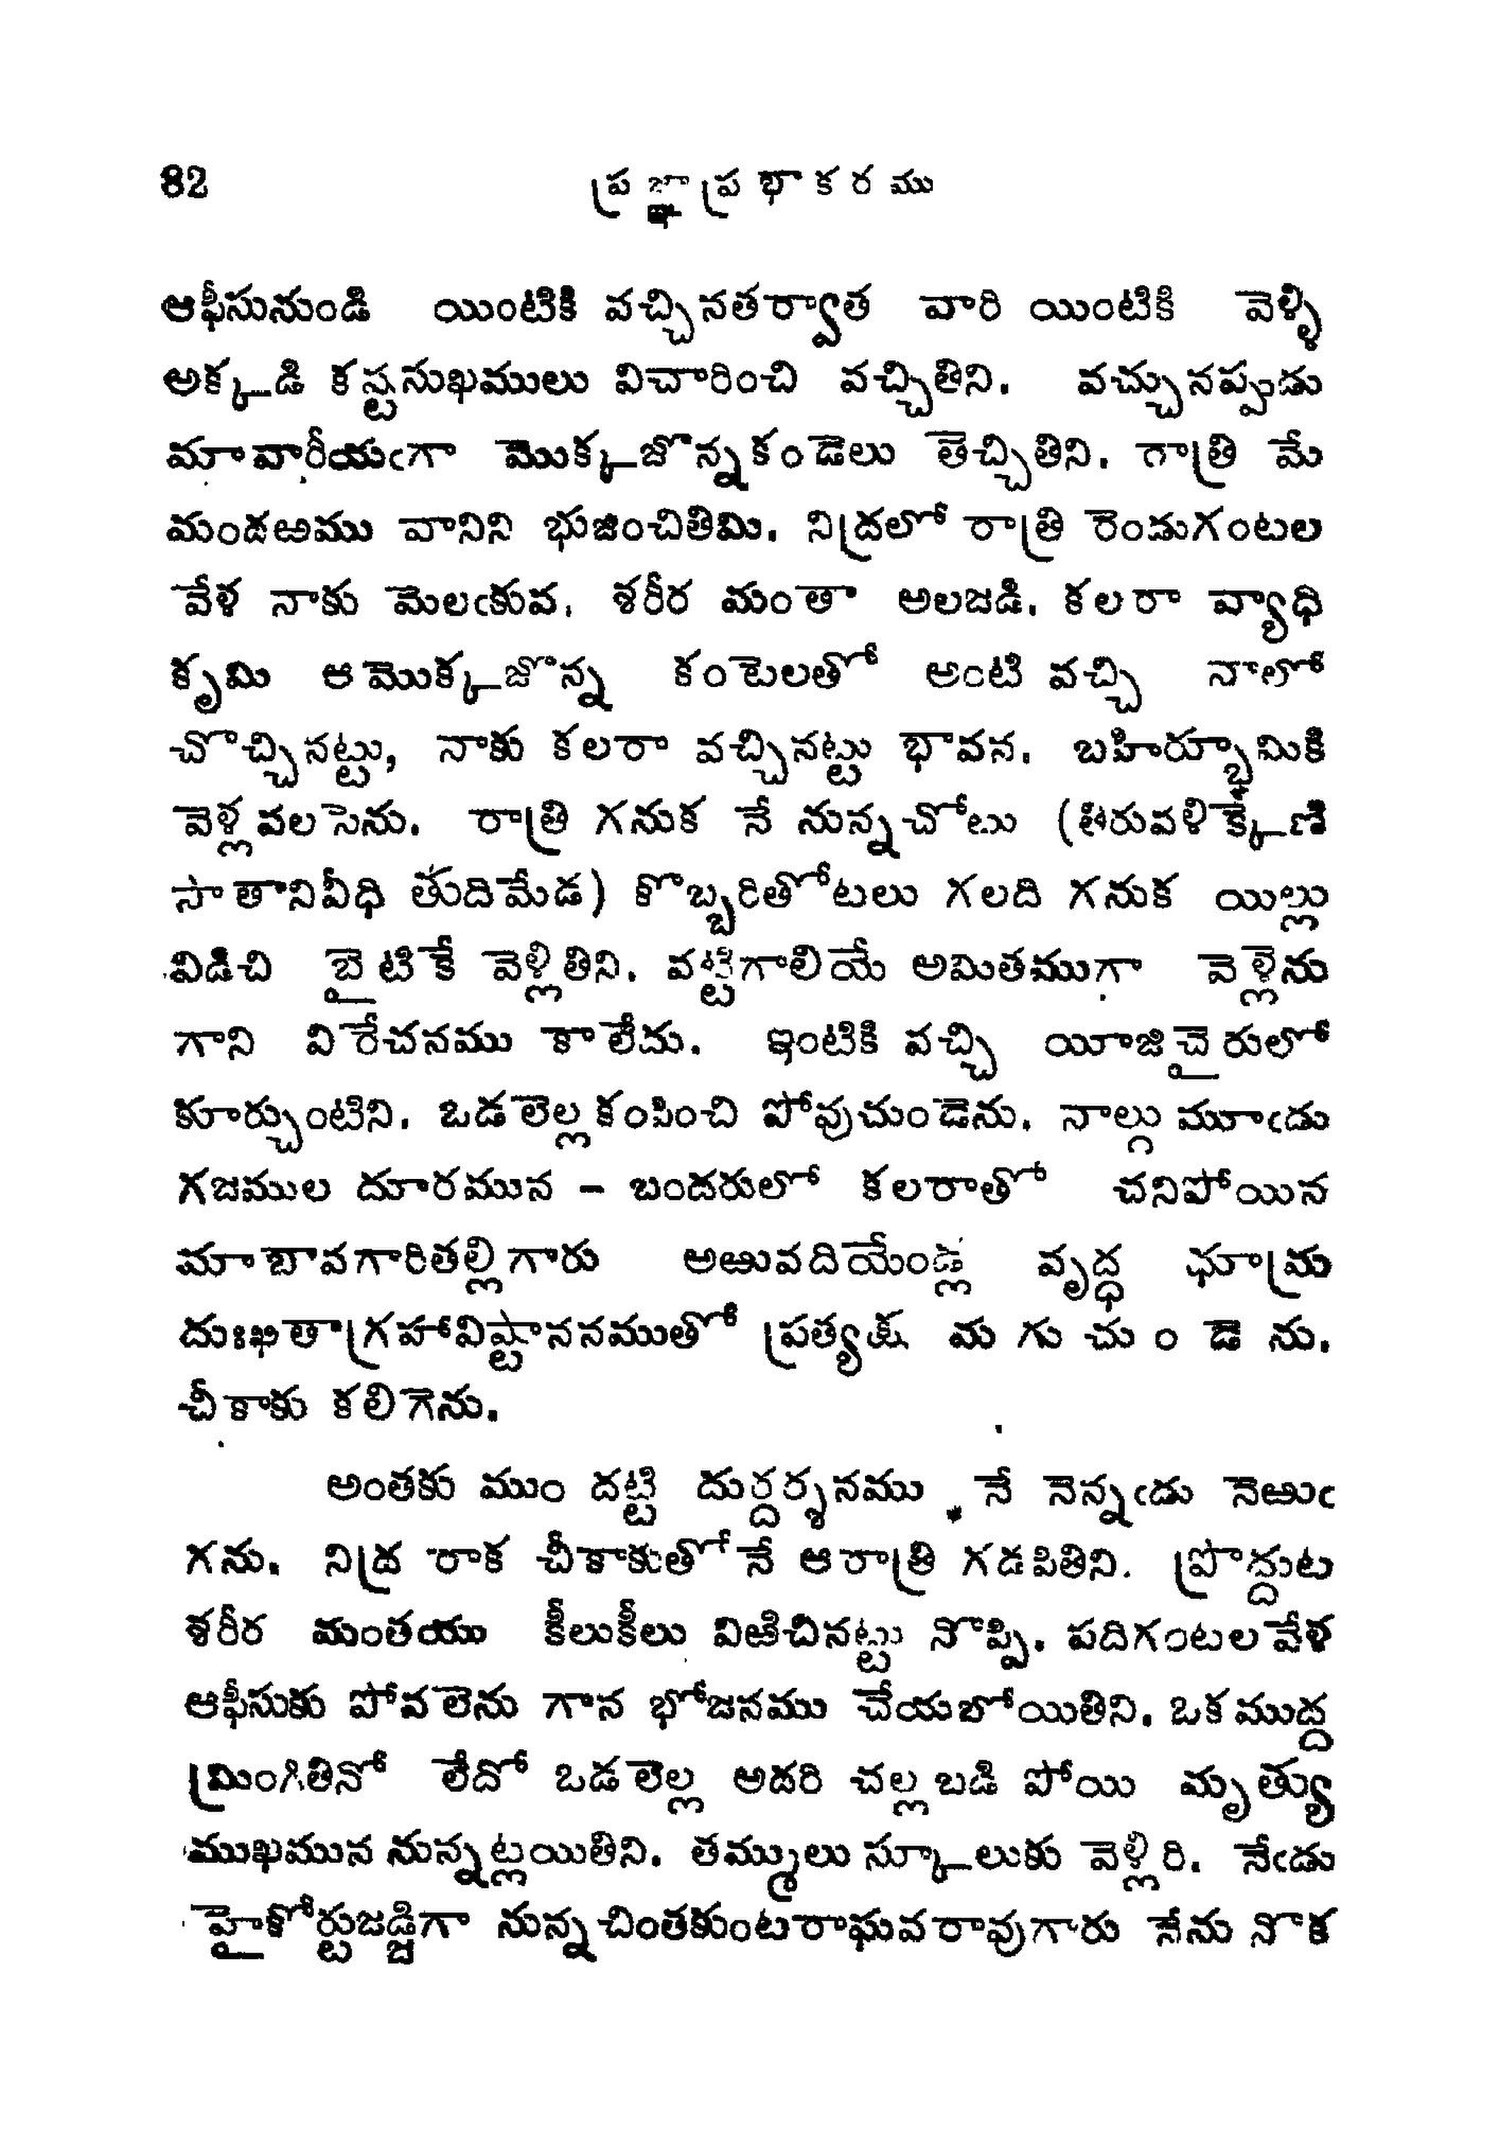ఆఫీసు నుండి యింటికి వచ్చిన తర్వాత వారి యింటికి వెళ్ళి అక్కడి కష్ట సుఖములు విచారించి వచ్చితిని. వచ్చునప్పుడు మా వారీయఁ గా మొక్కజొన్న కండెలు తెచ్చితిని. రాత్రి మే మందఱము వానిని భుజించితిమి. నిద్రలో రాత్రి రెండు గంటల వేళ నాకు మెలఁ కువ, శరీరమంతా అలకడి. కలరా వ్యాధి కృమి ఆ మొక్కజొన్న కండెలతో అంటి వచ్చి నాలో చొచ్చినట్టు, నాకు కలరా వచ్చినట్టు బావన. బహిర్భూమికి వెళ్ళ వలసెను. రాత్రి గనుక నే నున్న చోటు (తిరువళిక్కేణి సాతానివీధి తుది మేడ) కొబ్బరి తోటలు గలది గనుక ఇల్లు విడిచి బైతికే వెళ్ళితిని. వట్టి గాలియే అమితముగా వెళ్ళెను, గాని విరేచనము కాలేదు. ఇంటికి వచ్చి యీజి చైరులో కూర్చుంటిని. ఒడలెల్ల కంపించిపోవు చుండెను. నాల్గు మూఁ డు గజముల దూరమున - బందరులో కలరాతో చనిపోయిన మా బావగారి తల్లిగారు అఱువది యేండ్ల వృద్ధ ధూమ్ర దుఃఖితాగ్రహ విష్టాననముతో ప్రత్యక్ష మగుచుండెను. చీకాకు కలిగెను.
 
అంతకు ముం దట్టి దుర్దర్శనము నే నెన్నఁడు నెఱుఁగను. నిద్ర రాక చీకాకుతోనే ఆ రాత్రి గడపితిని. ప్రొద్దుట శరీర మంతయు కీలుకీలు విఱిచినట్టు నొప్పి. పదిగంటల వేళ ఆఫీసుకు పోవలెను గాన భోజనము చేయబోయితిని. ఒక ముద్ద మ్రింగితినో లేదో ఒడలెల్ల అదరి చల్లబడి పోయి మృత్యు ముఖమున నున్నట్లయితిని. తమ్ములు స్కూలుకు వెళ్ళిరి. నేఁడు హైకోర్టు జడ్జిగా నున్న చింతకుంట రాఘవరావుగారు నేను నొక